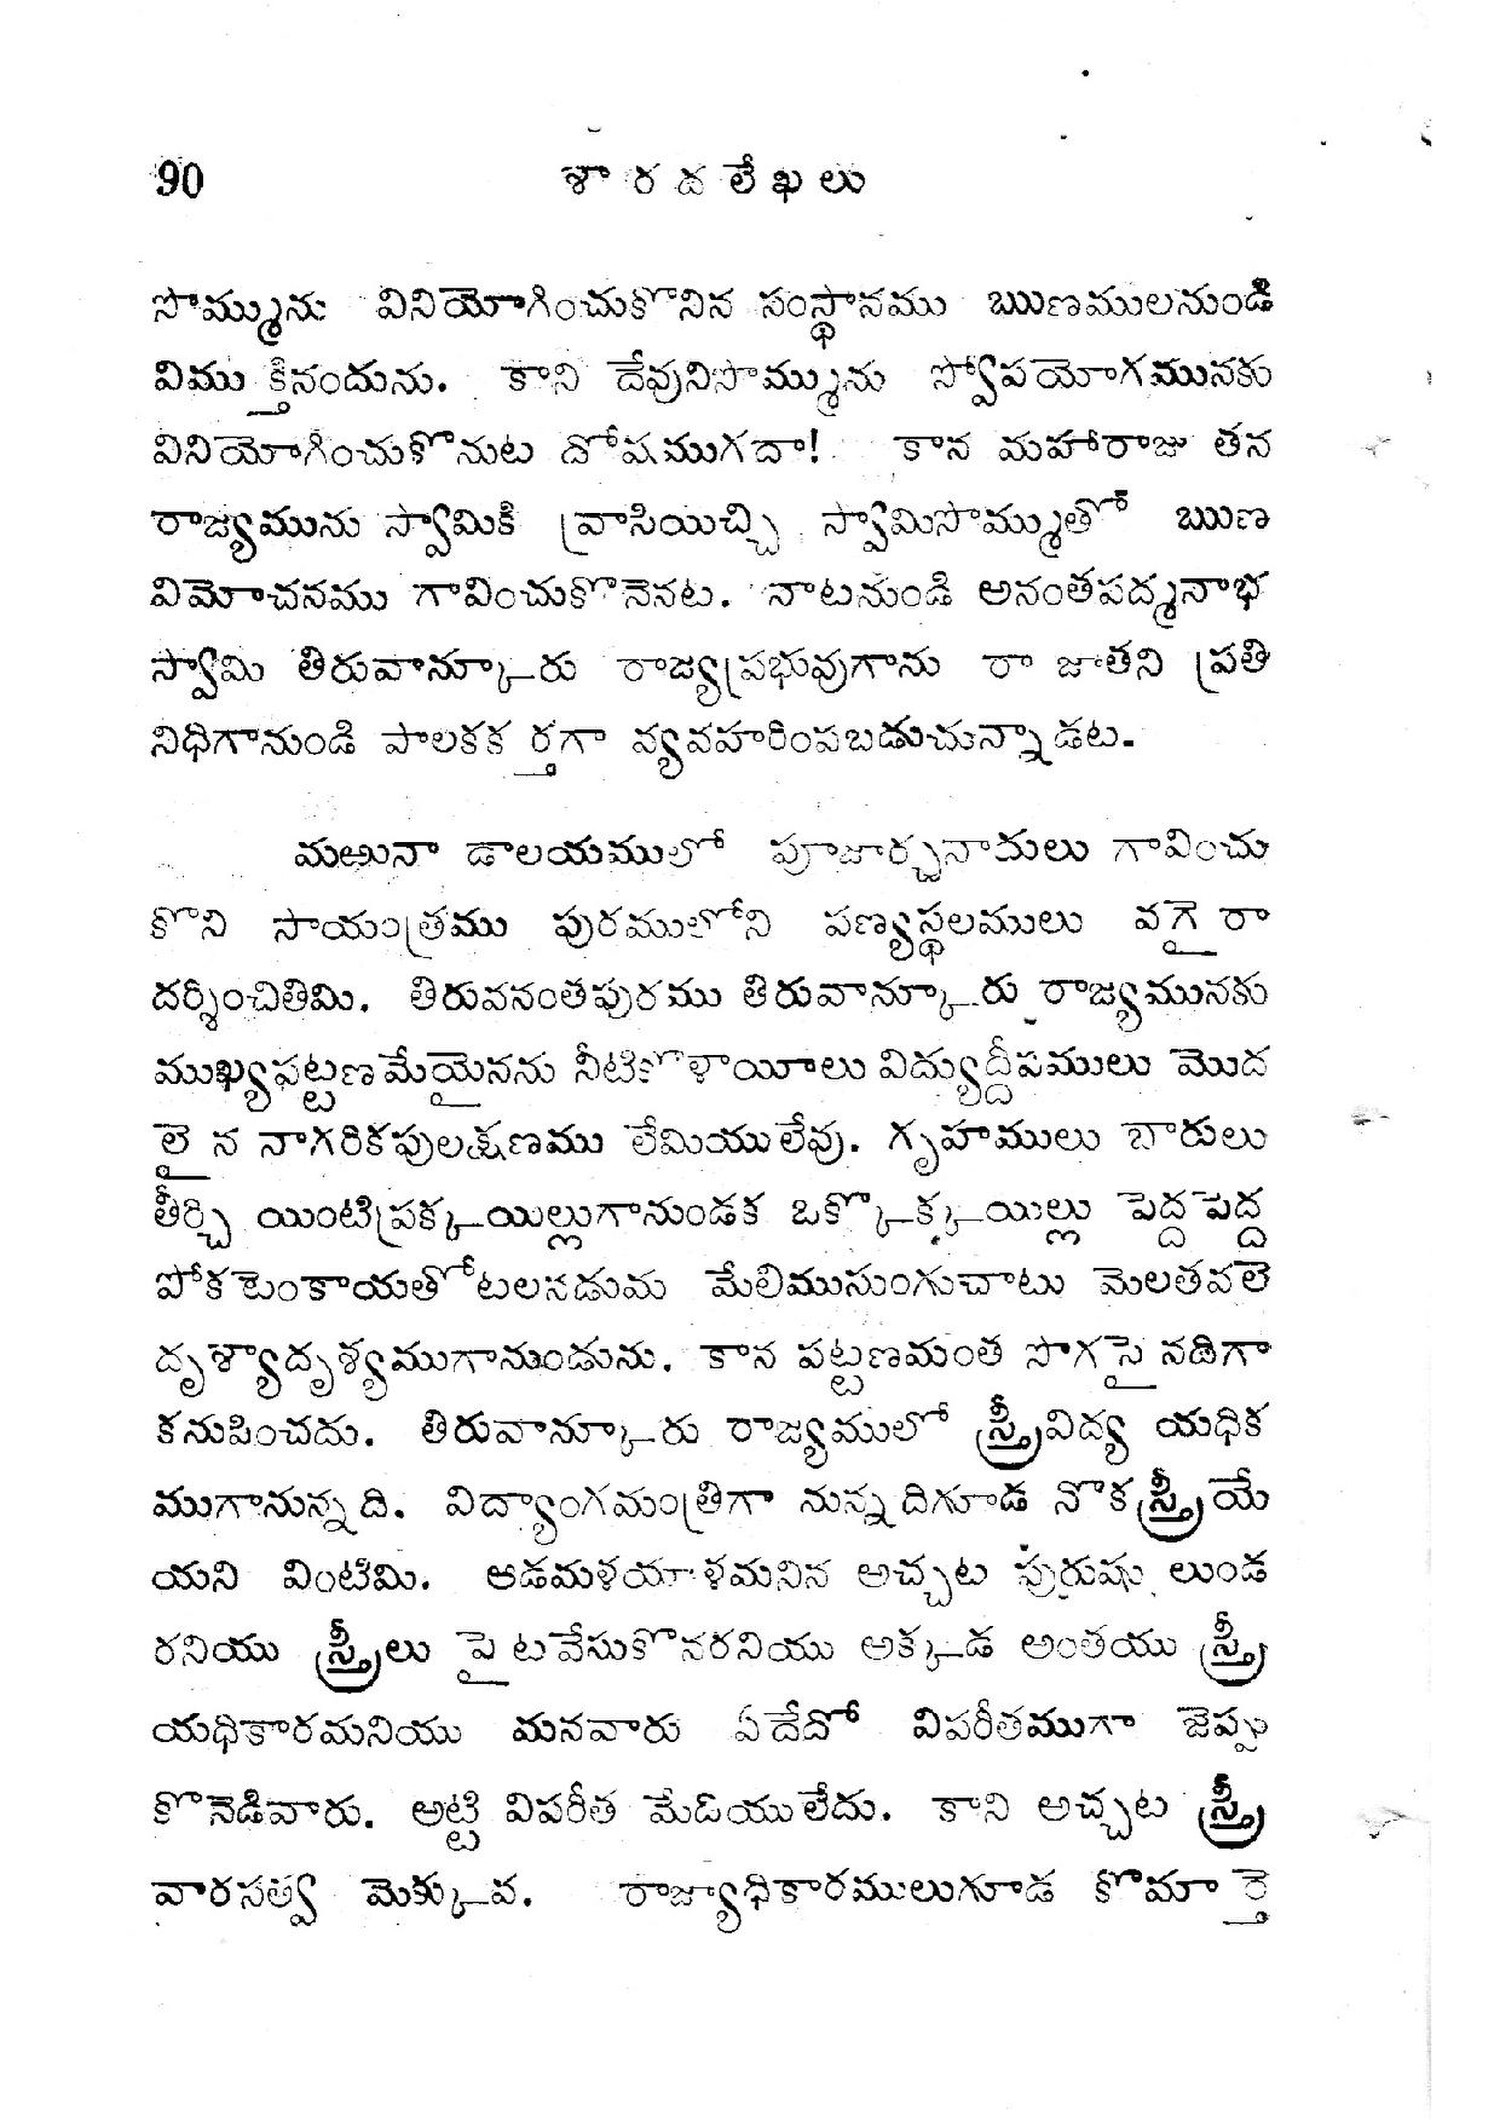సొమ్మును వినియోగించుకొనిన సంస్థానము ఋణములనుండి విముక్తినందును. కాని దేవునిసొమ్మును స్వోపయోగమునకు వినియోగించుకొనుట దోషముగదా! కాన మహారాజు తన రాజ్యమును స్వామికి వ్రాసియిచ్చి స్వామిసొమ్ముతో ఋణవిమోచనము గావించుకొనెనట. నాటనుండి అనంతపద్మనాభస్వామి తిరువాన్కూరు రాజ్యప్రభువుగాను రా జాతని ప్రతినిధిగానుండి పాలకకర్తగా వ్యవహరింపబడుచున్నాడట.

మఱునా డాలయములో పూజార్చనాదులు గావించుకొని సాయంత్రము పురములోని పణ్యస్థలములు వగైరా
దర్శించితిమి. తిరువనంతపురము తిరువాన్కూరు రాజ్యమునకు ముఖ్యపట్టణమేయైనను నీటికొళాయీలు విద్యుద్దీపములు మొదలైన నాగరికపులక్షణము లేమియులేవు. గృహములు బారులుతీర్చి యింటిప్రక్కయిల్లుగానుండక ఒక్కొక్కయిల్లు పెద్దపెద్ద పోకటెంకాయతోటలనడుమ మేలిముసుంగుచాటు మెలతవలె దృశ్యాదృశ్యముగా నుండును. కాన పట్టణమంత సొగసైనదిగా కనుపించదు. తిరువాన్కూరు రాజ్యములో స్త్రీవిద్య యధికముగానున్నది. విద్యాంగమంత్రిగా నున్నదిగూడ నొకస్త్రీయే యని వింటిమి. ఆడమళయాళమనిన అచ్చట పురుషు లుండరనియు స్త్రీలు పైటవేసుకొనరనియు అక్కడ అంతయు స్త్రీ 
యధికారమనియు మనవారు ఏదేదో విపరీతముగా జెప్పుకొనెడివారు. అట్టి విపరీత మేదియులేదు. కాని అచ్చట స్త్రీ వారసత్వ మెక్కువ. రాజ్యాధికారములుగూడ కొమార్తె